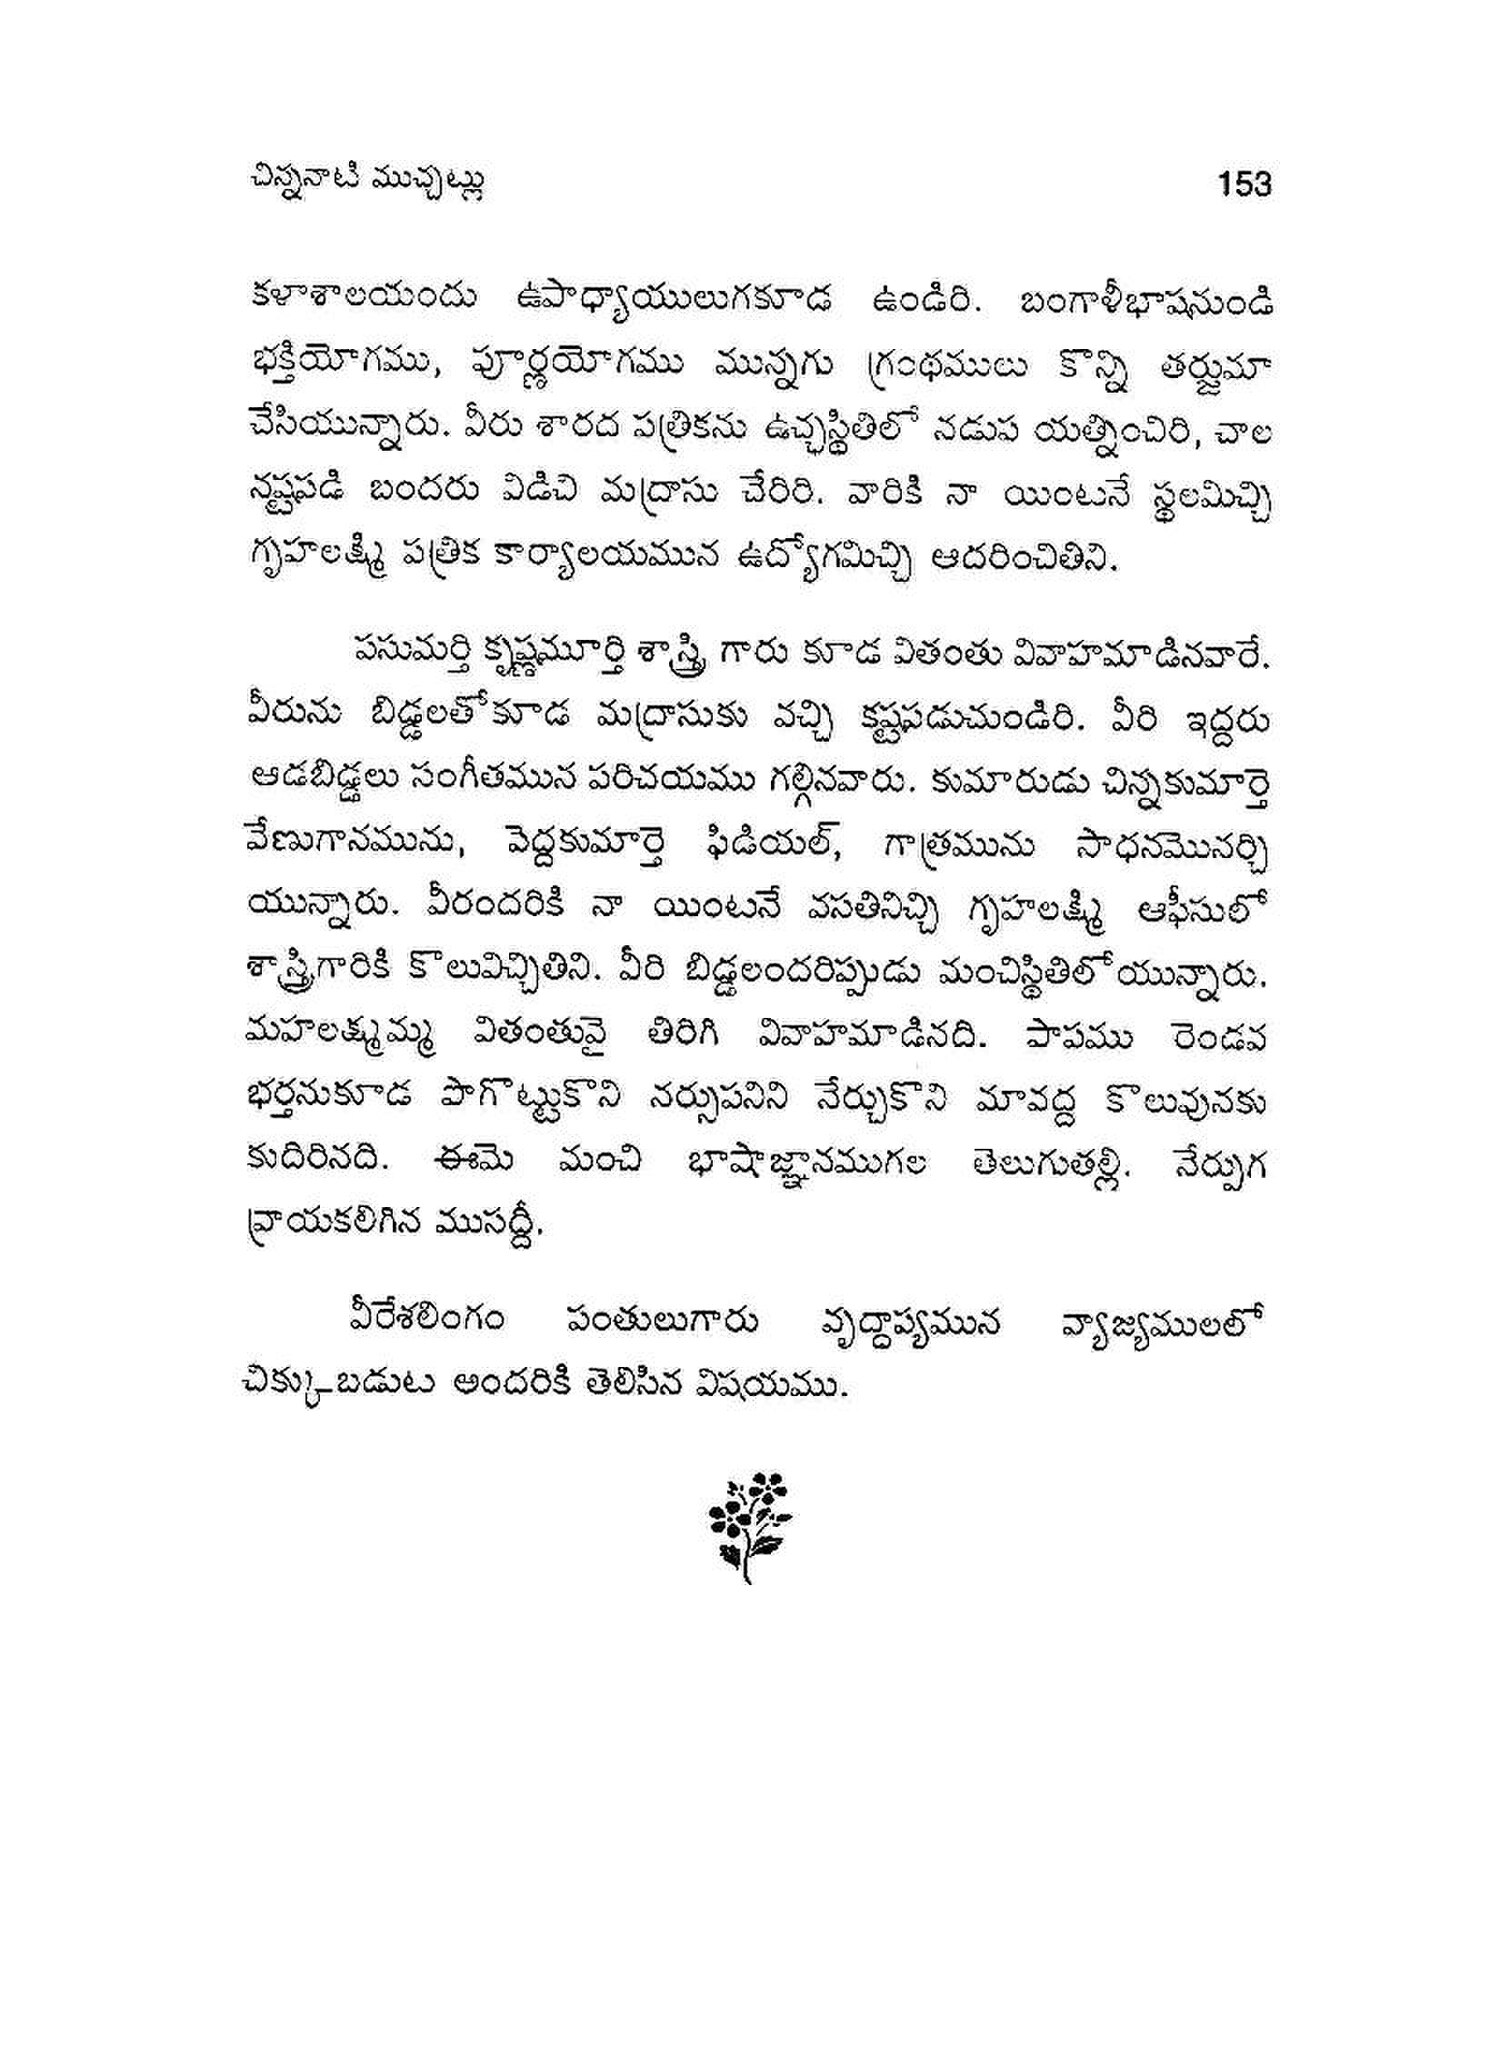కళాశాలయందు ఉపాధ్యాయులుగకూడ ఉండిరి. బంగాళీభాషనుండి భక్తియోగము, పూర్ణ యోగము మున్నగు గ్రంథములు కొన్ని తర్జుమా చేసియున్నారు. వీరు శారద పత్రికను ఉచ్ఛస్థితిలో నడుప యత్నించిరి, చాల నష్టపడి బందరు విడిచి మద్రాసు చేరిరి. వారికి నా యింటనే స్థలమిచ్చి గృహలక్ష్మీ పత్రిక కార్యాలయమున ఉద్యోగమిచ్చి ఆదరించితిని.

పసుమర్తి కృష్ణమూర్తి శాస్త్రి గారు కూడ వితంతు వివాహమాడినవారే. వీరును బిడ్డలతోకూడ మద్రాసుకు వచ్చి కష్టపడుచుండిరి. వీరి ఇద్దరు ఆడబిడ్డలు సంగీతమున పరిచయము గల్గినవారు. కుమారుడు చిన్నకుమార్తె వేణుగానమును, పెద్దకుమార్తె ఫిడియల్, గాత్రమును సాధనమొనర్చి యున్నారు. వీరందరికి నా యింటనే వసతినిచ్చి గృహలక్ష్మి ఆఫీసులో శాస్త్రిగారికి కొలువిచ్చితిని. వీరి బిడ్డలందరిప్పడు మంచిస్థితిలో యున్నారు. మహలక్ష్మమ్మ వితంతువై తిరిగి వివాహమాడినది. పాపము రెండవ భర్తనుకూడ పొగొట్టుకొని నర్సుపనిని నేర్చుకొని మావద్ద కొలువునకు కుదిరినది. ఈమె మంచి భాషా జ్ఞానముగల తెలుగుతల్లి, నేర్చుగ వ్రాయకలిగిన ముసద్దీ.

వీరేశలింగం పంతులుగారు వృద్ధాప్యమున వ్యాజ్యములలో చిక్కుబడుట అందరికి తెలిసిన విషయము.